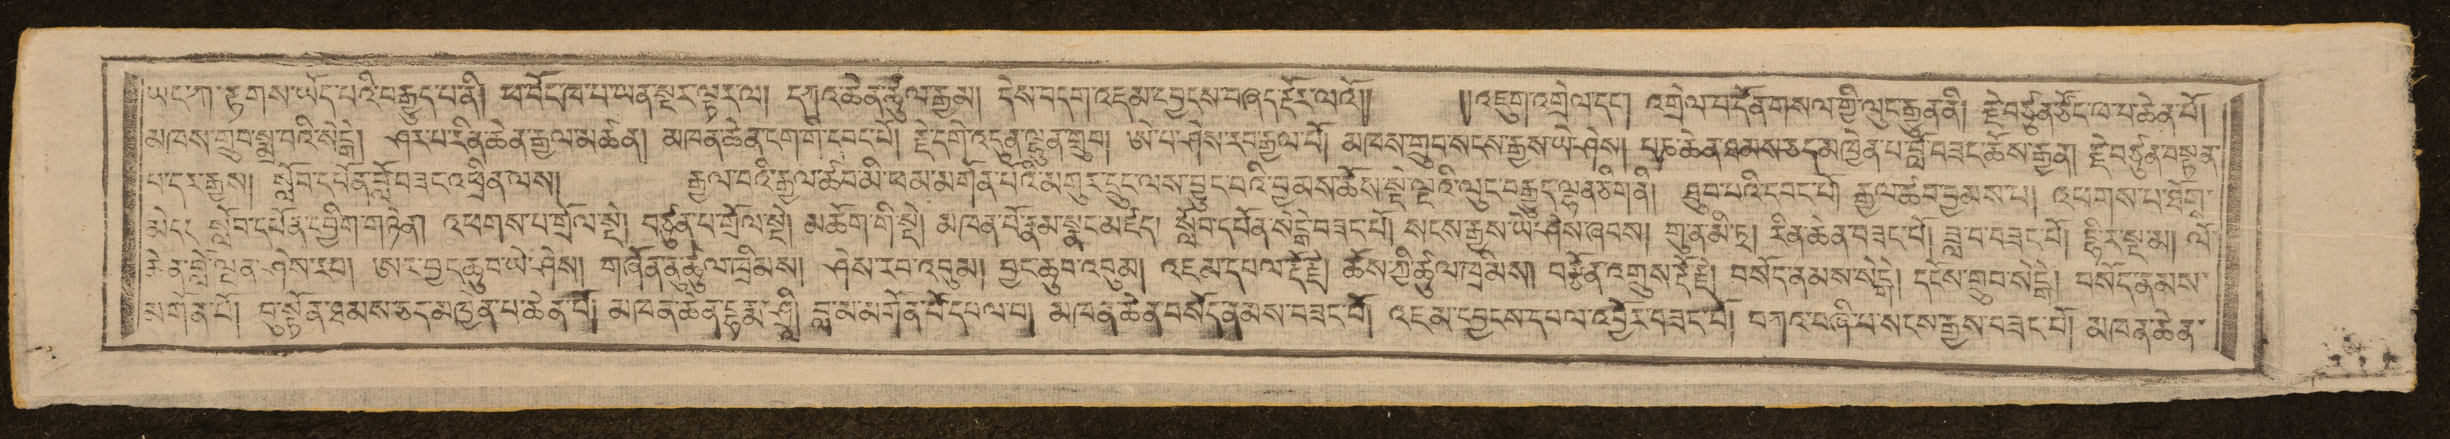ཡང་ཀ་རྟགས་ཡོད་པའི་བརྒྱུད་པ་ནི། ཕ་བོང་ཁ་བ་ཡན་སྔར་ལྟར་ལ། དཀའ་ཆེན་ཚུལ་རྒྱམ། དེས་བདག་འཇམ་དབྱངས་བཞད་རྡོར་ལའོ། །འཇུག་འགྲེལ་དང་། འགྲེལ་པ་དོན་གསལ་གྱི་ལུང་རྒྱུན་ནི། རྗེ་བཙུན་ཙོང་ཁ་པ་ཆེན་པོ།
མཁས་གྲུབ་སྨྲ་བའི་སེངྒེ། ཤར་བ་རིན་ཆེན་རྒྱལ་མཚན། མཁན་ཆེན་ངག་གི་དབང་པོ། རྗེ་དགེ་འདུན་ལྷུན་གྲུབ། ཨེ་པ་ཤེས་རབ་རྒྱལ་པོ། མཁས་གྲུབ་སངས་རྒྱས་ཡེ་ཤེས། པཎ་ཆེན་ཐམས་ཅད་མཁྱེན་པ་བློ་བཟང་ཆོས་རྒྱན། རྗེ་བཙུན་བསྟན་
པ་དར་རྒྱས། སློབ་དཔོན་བློ་བཟང་འཕྲིན་ལས། རྒྱལ་བའི་རྒྱལ་ཚབ་མི་ཕམ་མགོན་པོའི་མགྱུར་དྲུང་ལས་བྱུང་བའི་བྱམས་ཆོས་སྡེ་ལྔའི་ལུང་བརྒྱུད་ལྷན་ཅིག་ནི། ཐུབ་པའི་དབང་པོ། རྒྱལ་ཚབ་བྱམས་པ། འཕགས་པ་ཐོགས་
མེད༑ སློབ་དཔོན་དབྱིག་གཉེན། འཕགས་པ་གྲོལ་སྡེ། བཙུན་པ་གྲོལ་སྡེ། མཆོག་གི་སྡེ། མཁན་པོ་རྣམ་སྣང་མཛད། སློབ་དཔོན་སེངྒེ་བཟང་པོ། སངས་རྒྱས་ཡེ་ཤེས་ཞབས། གུན་མི་ཏྲ། རིན་ཆེན་བཟང་པོ། ཟླ་བ་བཟང་པོ། དྷི་ར་སྔ་མ། ལོ་
ཆེན་བློ་ལྡན་ཤེས་རབ། ཨར་བྱང་ཆུབ་ཡེ་ཤེས། གཞོན་ནུ་ཚུལ་ཁྲིམས། ཤེས་རབ་འབུམ། བྱང་ཆུབ་འབུམ། འཇམ་དཔལ་རྡོ་རྗེ། ཆོས་ཀྱི་ཚུལ་ཁྲིམས། བརྩོན་འགྲུས་རྡོ་རྗེ། བསོད་ནམས་སེངྒེ། དངོས་གྲུབ་སེངྒེ། བསོད་ནམས་
མགོན་པོ། བུ་སྟོན་ཐམས་ཅད་མཁྱེན་པ་ཆེན་པོ། མཁན་ཆེན་དྷརྨ་ཤྲཱི་བླ་མ་མགོན་པོ་དཔལ་པ། མཁན་ཆེན་བསོད་ནམས་བཟང་པོ། འཇམ་དབྱངས་དཔལ་འབྱོར་བཟང་པོ། བཀའ་བཞི་པ་སངས་རྒྱས་བཟང་པོ། མཁན་ཆེན་